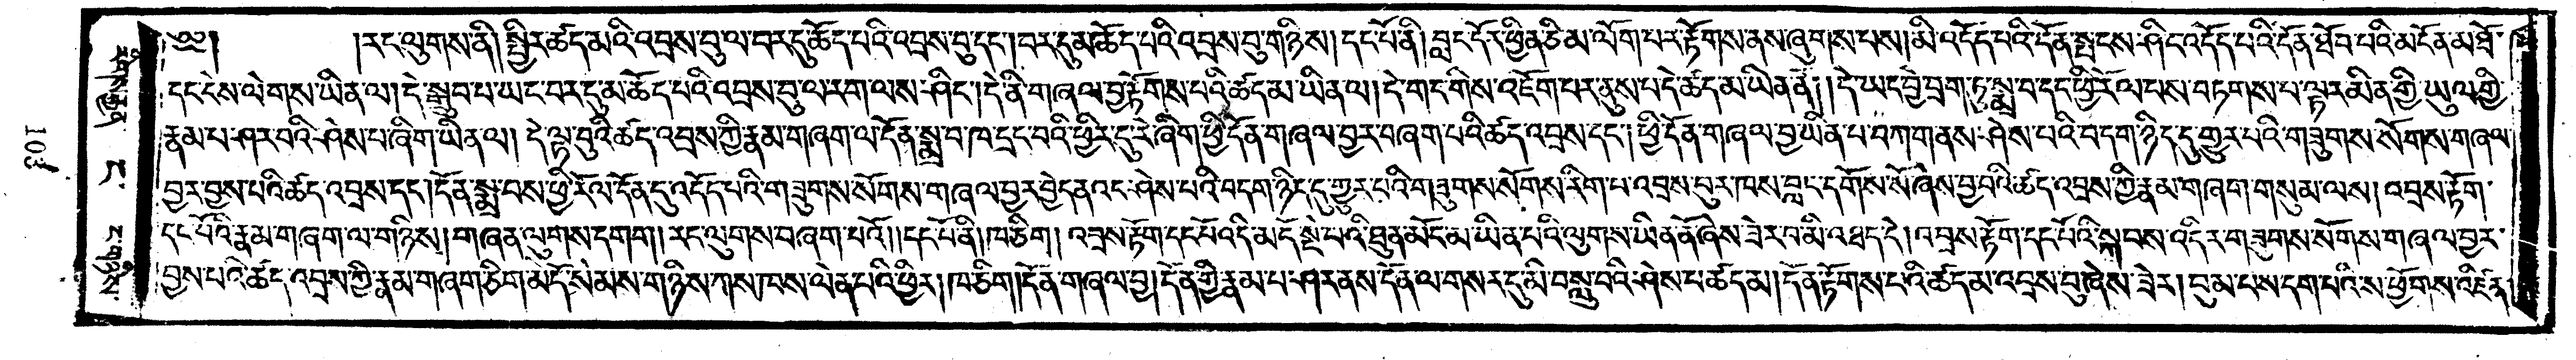༄༅། །རང་ལུགས་ནི། སྤྱིར་ཚད་མའི་འབྲས་བུ་ལ་བར་དུ་ཆོད་པའི་འབྲས་བུ་དང་། བར་དུ་མཆོད་པའི་འབྲས་བུ་གཉིས། དང་པོ་ནི། བླང་དོར་ཕྱིན་ཅི་མ་ལོག་པར་རྟོགས་ནས་ཞུགས་པས། མི་འདོད་པའི་དོན་སྤངས་ཤིང་འདོད་པའི་དོན་ཐོབ་པའི་མངོན་མཐོ་
དང་ངེས་ལེགས་ཡིན་ལ། དེ་སྒྲུབ་པ་ཡང་བར་དུ་མ་ཆོད་པའི་འབྲས་བུ་ལ་རག་ལས་ཤིང་། དེ་ནི་གཞལ་བྱ་རྟོགས་པའི་ཚད་མ་ཡིན་ལ། དེ་གང་གིས་འཇོག་པར་ནུས་པ་དེ་ཚད་མ་ཡིན་ནོ། །དེ་ཡང་བྱེ་བྲག་ཏུ་སྨྲ་བ་དང་ཕྱི་རོལ་པས་བཏགས་པ་ལྟར་མིན་གྱི་ཡུལ་གྱི་
རྣམ་པ་ཤར་བའི་ཤེས་པ་ཞིག་ཡིན་ལ། དེ་ལྟ་བུའི་ཚད་འབྲས་ཀྱི་རྣམ་གཞག་ལ་དོན་སྨྲ་བ་ཁ་དྲང་བའི་ཕྱིར་དུ་རེ་ཞིག་ཕྱི་དོན་གཞལ་བྱར་བཞག་པའི་ཚད་འབྲས་དང་། ཕྱི་དོན་གཞལ་བྱ་ཡིན་པ་བཀག་ནས་ཤེས་པའི་བདག་ཉིད་དུ་གྱུར་པའི་གཟུགས་སོགས་གཞལ་
བྱར་བྱས་པའི་ཚད་འབྲས་དང་། དོན་སྨྲ་བས་ཕྱི་རོལ་དོན་དུ་འདོད་པའི་གཟུགས་སོགས་གཞལ་བྱར་བྱེད་ནའང་ཤེས་པའི་བདག་ཉིད་དུ་གྱུར་པའི་གཟུགས་སོགས་རིག་པ་འབྲས་བུར་ཁས་བླང་དགོས་སོ་ཞེས་བྱ་བའི་ཚད་འབྲས་ཀྱི་རྣམ་གཞག་གསུམ་ལས། འབྲས་རྟོག་
དང་པོའི་རྣམ་གཞག་ལ་གཉིས། གཞན་ལུགས་དགག །རང་ལུགས་བཞག་པའོ། །དང་པོ་ནི། ཁ་ཅིག །འབྲས་རྟོག་དང་པོ་འདི་མདོ་སྡེ་པའི་ཐུན་མོང་མ་ཡིན་པའི་ལུགས་ཡིན་ནོ་ཞེས་ཟེར་བ་མི་འཐད་དེ། འབྲས་རྟོག་དང་པོའི་སྐབས་འདིར་གཟུགས་སོགས་གཞལ་བྱར་
བྱས་པའི་ཚད་འབྲས་ཀྱི་རྣམ་གཞག་ཅིག་མདོ་སེམས་གཉིས་ཀས་ཁས་ལེན་པའི་ཕྱིར། ཁ་ཅིག །དོན་གཞལ་བྱ། དོན་གྱི་རྣམ་པ་ཤར་ནས་དོན་ལ་གསར་དུ་མི་བསླུ་བའི་ཤེས་པ་ཚད་མ། དོན་རྟོགས་པའི་ཚད་མ་འབྲས་བུ་ཞེས་ཟེར། བུམ་པས་དག་པའི་ས་ཕྱོགས་འཛིན་